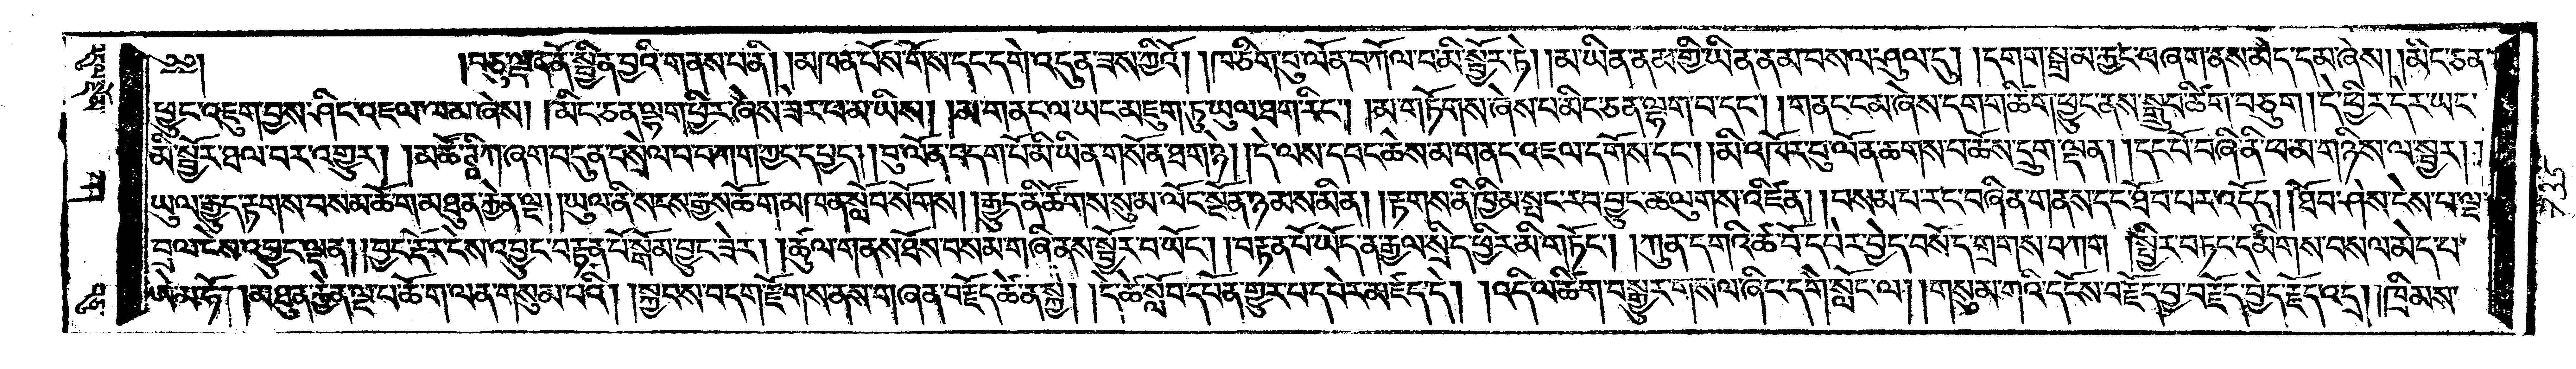༄༅། །བཅུ་ལྡན་ནོ་སྦྱིན་བྱའི་གནས་པ་ནི། །མཁན་པོས་གོས་དང་དགེ་འདུན་ཟས་ཀྱིའོ། །ཁ་ཅིག་བུ་ལོན་བཀོལ་བ་མི་སྦྱོར་ཏེ། །མ་ཡིན་ནམ་གྱི་ཡིན་ནམ་བསལ་ཤུལ་དུ། །དགག་སྒྲ་མ་རྐྱང་བཞག་ནས་མེད་དམ་ཞས། །མིད་ཅན་
ཕྱུང་འཇུག་བྱས་ཤིང་འཇལ་ལམ་ཞེས། །མིང་ཅན་ལྷག་ཕྱིར་ཞེས་ཟེར་ཕམ་ཡིས། །མ་གནང་ལ་ཡང་མཇུག་ཏུ་ཡུལ་ཐག་རིང་། །མ་གཏོགས་ཞེས་བ་མིང་ཅན་ལྷག་པ་དང་། །གནང་ངམ་ཞེས་དགག་ཚིག་ཕྱུང་ནས་སྒྲུབ་ཚིག་བཅུག །དེ་ཕྱིར་དེར་ཡང་
མི་སྦྱོར་ཐལ་བར་འགྱུར། །མཚོ་ཊཱིཀ་ཞག་བདུན་བསྲེལ་བ་བཀག་ཀྱང་དཔྱད། །བུ་ལོན་བདག་པོ་མི་ཡིན་གསོན་ཐག་ཉེ། །དེ་ལས་དབང་ཆེས་མ་གནང་འཇལ་དགོས་དང་། །མི་འཁོར་བུ་ལོན་ཆགས་པ་ཆོས་དྲུག་ལྡན། །དང་པོ་བཞི་ནི་ཕ་མ་གཉིས་ལ་སྦྱར། །
ཡུལ་རྒྱུད་རྟགས་བསམ་ཆོ་ག་མཐུན་རྐྱེན་ལྔ། །ཡུལ་ནི་སངས་རྒྱས་ཆོ་ག་མཁན་སློབ་སོགས། །རྒྱུད་ནི་ཚོགས་སུམ་ལོང་སྔོན་ཉམས་མིན། །རྟགས་ནི་ཁྱིམ་སྤང་རབ་བྱུང་ཆ་ལུགས་འཛིན། །བསམ་པ་རང་བཞིན་གནས་དང་ཐོབ་པར་འདོད། །ཐོབ་ཤེས་དེས་པ་ལྔ་
བྲལ་ངེས་འབྱུང་ལྡན། །བྱང་རྡོར་དེས་འབྱུང་བརྟན་པོ་སྒོམ་བྱུང་ཟེར། །ཚུལ་གནས་ཐོས་བསམ་གཞི་ནས་སྦྱོར་བ་ཡོང་། །བརྟན་པོ་ཡོད་ན་རྒྱལ་སྲིད་ཕྱིར་མི་གཏོང་། །ཀུན་དགའི་ཚ་བོ་དཔེར་བྱེད་བསོད་གྲགས་བཀག །སྤྱིར་བཏང་དམིགས་བསལ་མེད་པ་
ཨེ་མ་ཧོ། །མཐུན་རྐྱེན་ལྔ་པ་ཆོ་ག་ལན་གསུམ་པའི། །སྐྱབས་བདག་རྫོགས་ནས་གཞན་བརྗོང་ཚེ་ན་སྐྱེ། །དེ་ཚེ་སློབ་དཔོན་གྱུར་པ་དཔེར་མཛད་དེ། །འདི་ལ་ཚིག་བསྒྱུར་གསལ་ཞིང་དགེ་སློང་ལ། །གསུམ་གའི་དངོས་བརྗོད་བྱ་བརྗོད་བྱེད་རྗོད་འདྲ། །ཁྲིམས་